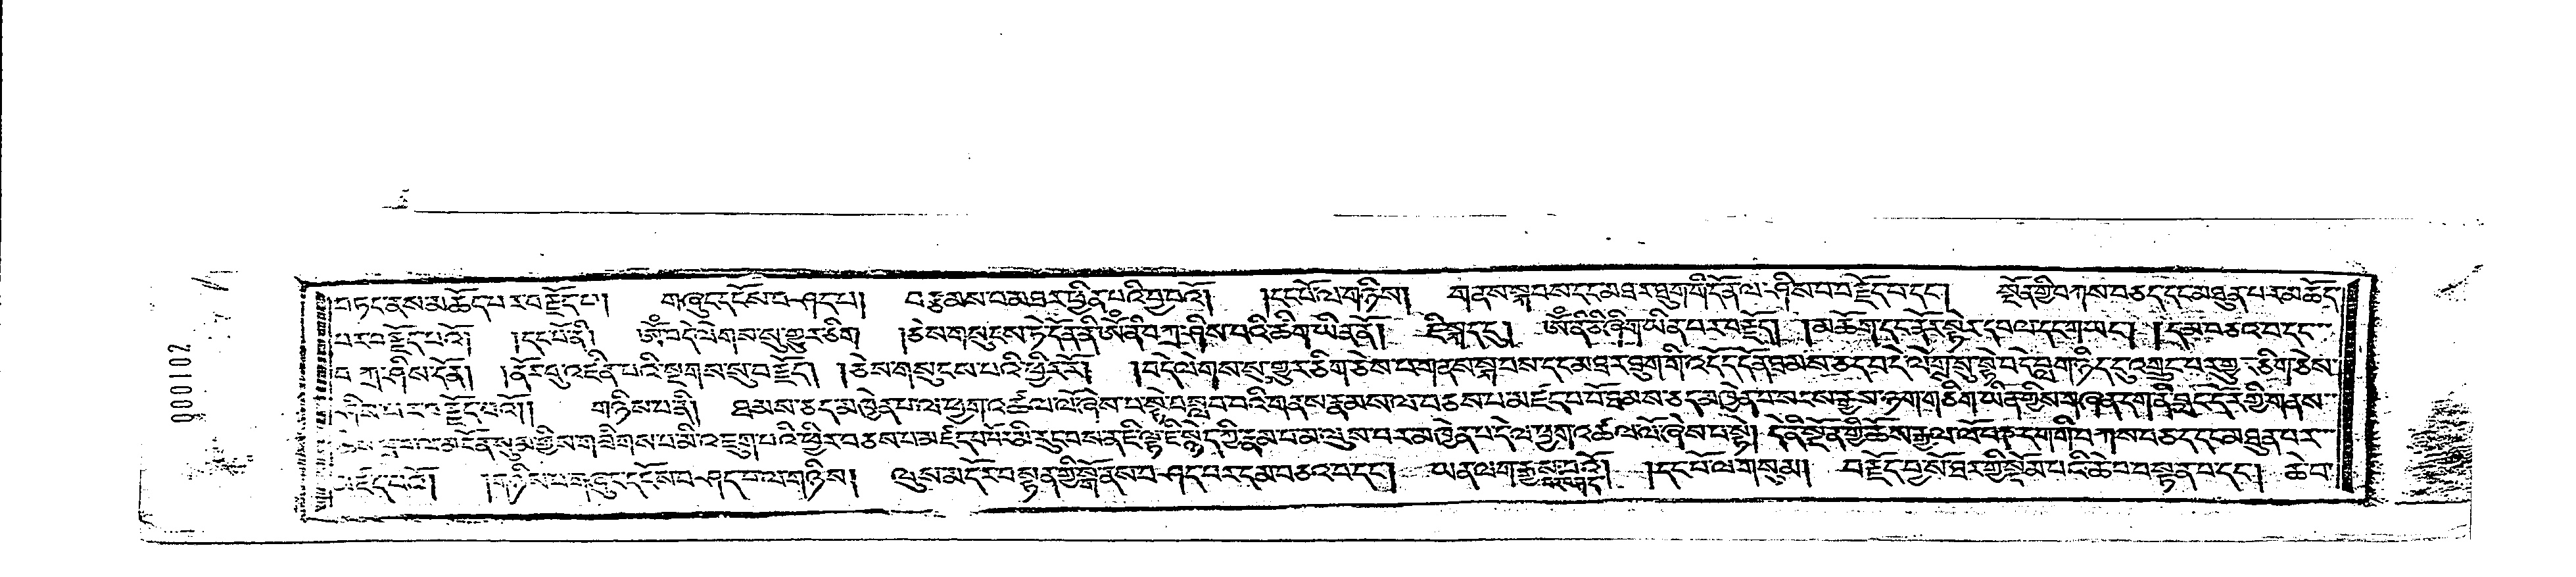བཏང་ནས་མཆོད་པར་བརྗོད་པ། གཞུང་དངོས་བཤད་པ། བརྩམས་པ་མཐར་ཕྱིན་པའི་བྱ་བའོ། །དང་པོ་ལ་གཉིས། གནས་སྐབས་དང་མཐར་ཐུག་གི་དོན་ལ་ཤིས་པ་བརྗོད་པ་དང་། སྔོན་གྱི་བཀས་བཅད་དང་མཐུན་པར་མཆོད་
པར་བརྗོད་པའོ། །དང་པོ་ནི། ཨོཾ་བདེ་ལེགས་སུ་གྱུར་ཅིག །ཅེས་གསུངས་ཏེ་དོན་ནི་ཨོཾ་ནི་བཀྲ་ཤིས་པའི་ཚིག་ཡིན་ནོ། ཇི་སྐད་དུ། ཨོཾ་ནི་ཅི་ཞིག་ཡིན་པར་བརྗོད། །མཆོག་དང་ནོར་སྟེར་དཔལ་དང་གཡང་། །དམ་བཅའ་བ་དང་
བཀྲ་ཤིས་དོན། །ནོར་བུ་འཛིན་པའི་སྔགས་སུ་བརྗོད། །ཅེས་གསུངས་པའི་ཕྱིར་རོ། །བདེ་ལེགས་སུ་གྱུར་ཅིག་ཅེས་པ་གནས་སྐབས་དང་མཐར་ཐུག་གི་འདོད་དོན་ཐམས་ཅད་བདེ་ལེགས་སུ་སྟེ་བདེ་བླག་ཉིད་དུ་འགྲུང་བར་གྱུར་ཅིག་ཅེས་
ཤིས་པར་བརྗོད་པའོ།། གཉིས་པ་ནི། ཐམས་ཅད་མཁྱེན་པ་ལ་ཕྱག་འཚལ་ལོ་ཞེས་པ་སྟེ་བསླབ་པའི་གནས་རྣམས་ལ་བཅས་པ་མཛད་པ་པོ་ཐམས་ཅད་མཁྱེན་པ་སངས་རྒྱས་ཉག་གཅིག་ཡིན་གྱིས་གཞན་དག་ནི་བླང་དོར་གྱི་གནས་
ཆེས་ཕྲ་བ་ལ་མངོན་སུམ་གྱིས་གཟིགས་པ་མི་འཇུག་པའི་ཕྱིར་བཅས་པ་མཛད་པ་པོར་མི་རུང་བས་ན་ཇི་ལྟ་ཇི་སྙེད་ཀྱི་རྣམ་པ་མ་ལུས་པར་མཁྱེན་པ་དེ་ལ་ཕྱག་འཚལ་ལོ་ཞེས་པ་སྟེ། དེ་ནི་སྔོན་གྱི་ཆོས་རྒྱལ་ལོ་པཎ་དག་གི་བཀས་བཅད་དང་མཐུན་པར་
མཛད་པའོ། །གཉིས་པ་གཞུང་དངོས་བཤད་པ་ལ་གཉིས། ལུས་མདོར་བསྟན་གྱི་སྒོ་ནས་བཤད་པར་དམ་བཅའ་བ་དང་། ཡན་ལག་རྒྱས་པར་བཤད་པའོ། །དང་པོ་ལ་གསུམ། བརྗོད་བྱ་སོ་ཐར་གྱི་སྡོམ་པའི་ཆེ་བ་བསྟན་པ་དང་། ཆེ་བ་